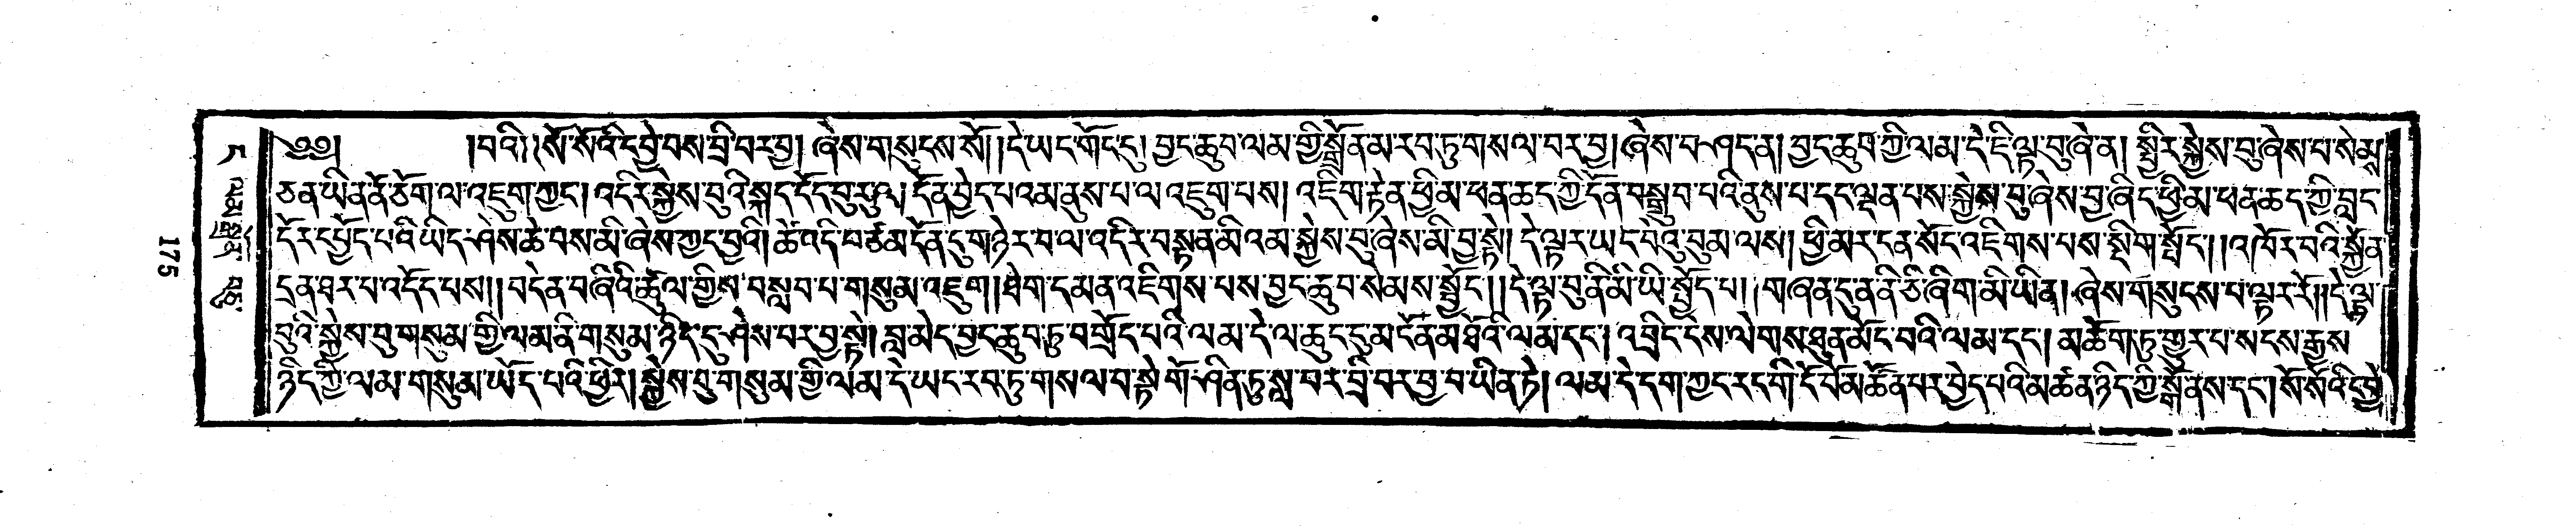༄༅། །བའི། །སོ་སོའི་དབྱེ་བས་བྲི་བར་བྱ། ཞེས་གསུངས་སོ། །དེ་ཡང་གོང་དུ། བྱང་ཆུབ་ལམ་གྱི་སྒྲོན་མ་རབ་ཏུ་གསལ་བར་བྱ། ཞེས་བཤད་ན། བྱང་ཆུབ་ཀྱི་ལམ་དེ་ཇི་ལྟ་བུ་ཞེ་ན། སྤྱིར་སྐྱེས་བུ་ཞེས་པ་སེམས་
ཅན་ཡིན་ནོ་ཅོག་ལ་འཇུག་ཀྱང་། འདིར་སྐྱེས་བུའི་སྐད་དོད་པུ་རུ་ཥ། དོན་བྱེད་པའམ་ནུས་པ་ལ་འཇུག་པས། འཇིག་རྟེན་ཕྱི་མ་ཕན་ཆད་ཀྱི་དོན་བསྒྲུབ་པའི་ནུས་པ་དང་ལྡན་པས་སྐྱེས་བུ་ཞེས་བྱ་ཞིང་ཕྱི་མ་ཕན་ཆད་ཀྱི་བླང་
དོར་དཔྱོད་པའི་ཡིད་ཤས་ཆེ་བས་མི་ཞེས་ཀྱང་བྱའི། ཚེ་འདི་པ་ཙམ་དོན་དུ་གཉེར་བ་ལ་འདིར་བསྟན་མིའམ་སྐྱེས་བུ་ཞེས་མི་བྱ་སྟེ། དེ་ལྟར་ཡང་བེའུ་བུམ་ལས། ཕྱི་མར་ངན་སོང་འཇིགས་པས་སྡིག་སྤོང་། །འཁོར་བའི་སྐྱོན་
དྲན་ཐར་པ་འདོད་པས། །བདེན་བཞིའི་ཚུལ་གྱིས་བསླབ་པ་གསུམ་འཇུག །ཐེག་དམན་འཇིགས་པས་བྱང་ཆུབ་སེམས་སྦྱོང་། །དེ་ལྟ་བུ་ནི་མི་ཡི་སྤྱོད་པ། །གཞན་དུ་ན་ནི་ཅི་ཞིག་མི་ཡིན། ཞེས་གསུངས་པ་ལྟར་རོ། །དེ་ལྟ་
བུའི་སྐྱེས་བུ་གསུམ་གྱི་ལམ་ནི་གསུམ་ཉིད་དུ་ཤེས་པར་བྱ་སྟེ། བླ་མེད་བྱང་ཆུབ་ཏུ་བགྲོད་པའི་ལམ་དེ་ལ་ཆུང་ངུ་མངོན་མཐོའི་ལམ་དང་། འབྲིང་ངེས་ལེགས་ཐུན་མོང་བའི་ལམ་དང་། མཆོག་ཏུ་གྱུར་པ་སངས་རྒྱས་
ཉིད་ཀྱི་ལམ་གསུམ་ཡོད་པའི་ཕྱིར། སྐྱེས་བུ་གསུམ་གྱི་ལམ་དེ་ཡང་རབ་ཏུ་གསལ་བ་སྟེ་གོ་ཤིན་ཏུ་སླ་བར་བྲི་བར་བྱ་བ་ཡིན་ཏེ། ལམ་དེ་དག་ཀྱང་རང་གི་ངོ་བོ་མཚོན་པར་བྱེད་པའི་མཚན་ཉིད་ཀྱི་སྒོ་ནས་དང་། སོ་སོའི་དབྱེ་